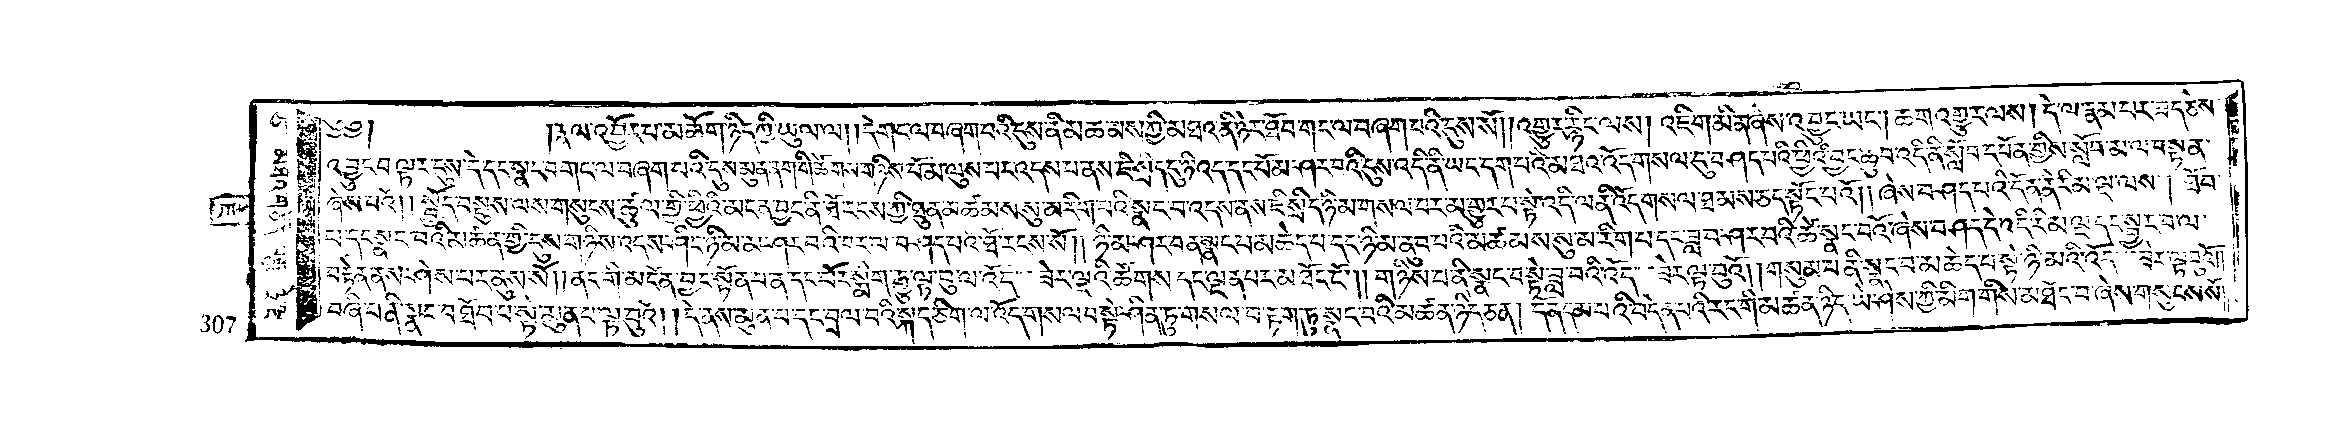༄༅། །རྣལ་འབྱོར་པ་མཆོག་ཉིད་ཀྱི་ཡུལ་ལ། །དེ་གང་ལ་བཞག་པའི་དུས་ནི་མཚམས་ཀྱི་མཐའ་ནི་ཉེར་ཐོབ་གང་ལ་བཞག་པའི་དུས་སོ། །འགྱུར་རྙིང་ལས། འཇིག་མིན་ཞེས་འབྱུང་ཡང་། ཆག་འགྱུར་ལས། དེ་ལ་རྣམ་པར་ཟད་ཅེས་
འབྱུང་བ་ལྟར་དུས་དེ་དང་སྣང་བ་གང་ལ་བཞག་པའི་དུས་མུན་ནག་གི་ཚོགས་གཉིས་པོ་མ་ལུས་པར་འདས་པ་ནས་ཇི་སྲིད་དུ་ཉི་འོད་དང་པོ་མ་ཤར་བའི་དུས་འདི་ནི་ཡང་དག་པའི་མཐའ་འོད་གསལ་དུ་བཤད་པའི་ཕྱིའི་བྱང་ཆུབ་འདི་ནི་སློབ་དཔོན་གྱིས་སློབ་མ་ལ་བསྟན་
ཞེས་པའོ། །སྤྱོད་བསྡུས་ལས་གསུངས་ཚུལ་གྱི་ཕྱིའི་མངོན་བྱང་ནི་ཐོ་རངས་ཀྱི་ཐུན་མཚམས་སུ་མ་རིག་པའི་སྣང་བ་འདས་ནས་ཇི་སྲིད་ཉི་མ་གསལ་བར་མ་གྱུར་པ་སྟེ་འདི་ལ་ནི་འོད་གསལ་ཐམས་ཅད་སྟོང་པའོ། །ཞེས་བཤད་པའི་དོན་ནི་རིམ་ལྔ་ལས། ཐོབ་
པ་དང་སྣང་བའི་མཚན་གྱི་དུས་གཉིས་འདས་ཤིང་ཉི་མ་མ་ཤར་བའི་བར་ལ་བཤད་པའི་ཐོ་རངས་སོ། །ཉི་མ་ཤར་བ་ན་སྣང་བ་མཆེད་པ་དང་ཉི་མ་ནུབ་པའི་མཚམས་སུ་མ་རིག་པ་དང་ཟླ་བ་ཤར་བའི་ཚེ་སྣང་བའོ་ཞེས་བཤད་དེ་འདི་རིམ་ལྔ་དང་སྦྱར་བ་ལ་
བརྟེན་ནས་ཤེས་པར་ནུས་སོ། །ནང་གི་མངོན་བྱང་སྟོན་པ་ན་དང་པོར་སྨིག་རྒྱུ་ལྟ་བུ་ལ་འོད་ཟེར་ལྔའི་ཚོགས་དང་ལྡན་པར་མཐོང་ངོ། །གཉིས་པ་ནི་སྣང་བ་སྟེ་ཟླ་བའི་འོད་ཟེར་ལྟ་བུའོ། །གསུམ་པ་ནི་སྣང་བ་མཆེད་པ་སྟེ་ཉི་མའི་འོད་ཟེར་ལྟ་བུའོ། །
བཞི་པ་ནི་སྣང་བ་ཐོབ་པ་སྟེ་མུན་པ་ལྟ་བུའོ། །དེ་ནས་མུན་པ་དང་བྲལ་བའི་སྐད་ཅིག་ལ་འོད་གསལ་བ་སྟེ་ཤིན་ཏུ་གསལ་བ་རྟག་ཏུ་སྣང་བའི་མཚན་ཉིད་ཅན། དོན་དམ་པའི་བདེན་པའི་རང་གི་མཚན་ཉིད་ཡེ་ཤེས་ཀྱི་མིག་གིས་མཐོང་བ་ཞེས་གསུངས་སོ། །